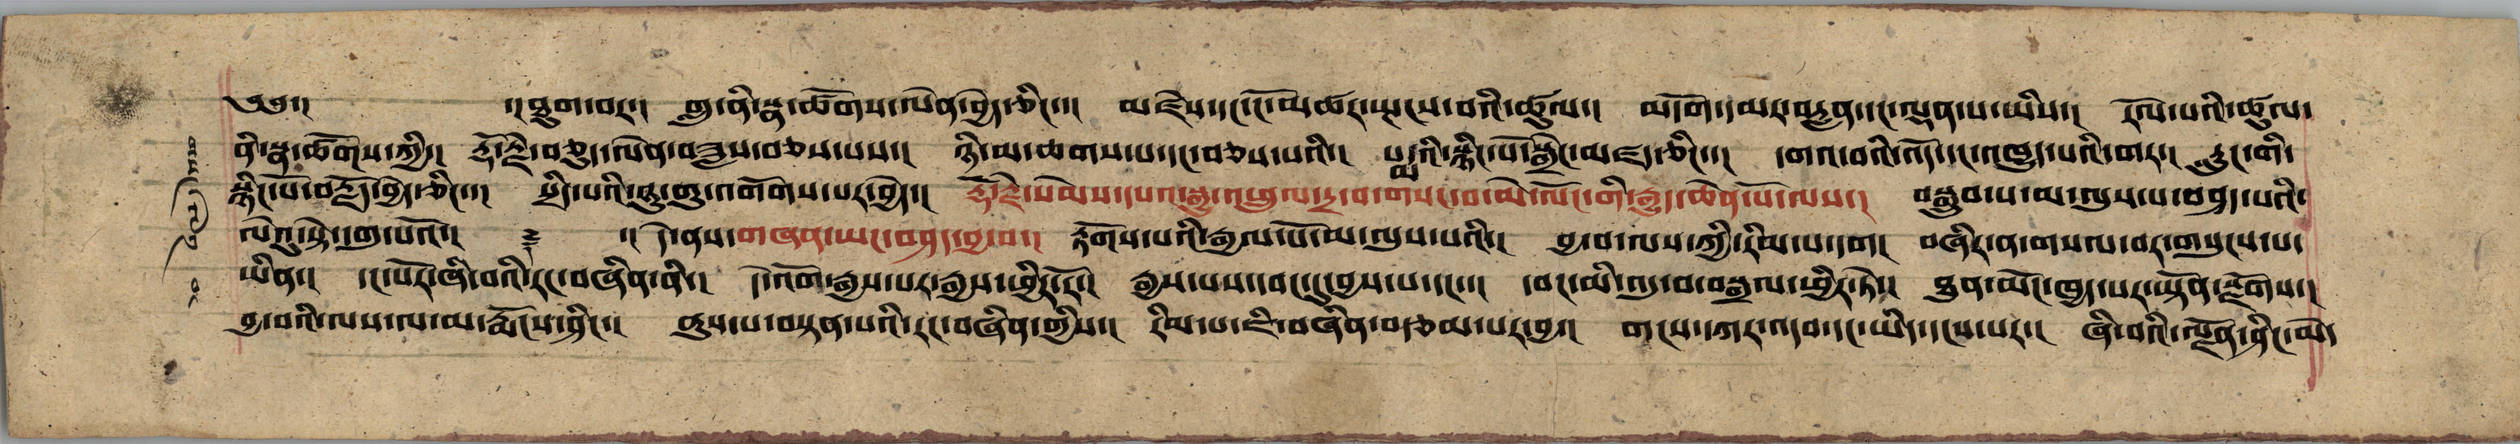༄༅་། ་།ཐུག་བར་། གྲུ་ནི་སྣ་ཚོགས་ལེན་བྱེད་ཅིང་་། མཛེས་དང་ངོ་མཚར་སྤངས་བའི་ཚུལ་། མདོག་དམར་བརླན་དང་ལྡན་པ་ཡིས་། རོལ་པའི་ཚུལ་
ནི་སྣ་ཚོགས་ཀྱི་། རྡོ་རྗེ་བཅུད་ལེན་བཟླས་བཅས་པས་། ཉི་མ་ཆགས་པ་དང་བཅས་པའི་། པདྨའི་སྙིང་པོ་སྒྲེང་མཛད་ཅིང་་། དགའ་བའི་འོད་དང་འཁྱུད་པའི་གར་། རླུང་གི་
སྙིང་པོ་བརྗོད་བྱེད་ཅིང་་། སྲིད་པའི་ཉུ་གུ་འགོགས་པར་བྱེད་། རྡོ་རྗེ་སེམས་དཔའ་སྒྱུ་འཕྲུལ་དྲ་བ་གསང་བ་མེ་ལོང་གི་རྒྱུད་ཆེན་པོ་ལས་། བསྒྲུབ་པ་མ་ལུས་པ་བཤད་པའི་
ལེའུ་སྟེ་དགུ་པའོ་། ࿑ ་།དེ་ནས་གཞན་ཡང་བཤད་བྱ་བ་། རྟོགས་པའི་རྒྱལ་པོ་མ་ལུས་པའི་། བྱ་བ་ལས་ཀྱི་རིམ་པ་དག། བཞིར་ན་གསལ་བར་གསུངས་པ་
ཡིན་། དང་པོར་ཞི་བའི་རང་བཞིན་ནི་། དེ་འོག་རྒྱས་པར་རྒྱས་ཕྱིར་རོ་། རྒྱས་པས་དབང་དུ་བྱས་པ་དང་་། དབང་མི་འདུ་བ་བསྒྲལ་ཕྱིར་ཏེ་། ཐུན་མོང་ཁྱད་པར་ཡྟོན་སྫོགས་།
བྱ་བའི་ལས་ལ་མ་རྨོངས་ཤིང་། ནུས་པ་བསྟན་པའི་རང་བཞིན་གྱིས་། རིམ་པ་ཇི་བཞིན་བརྩམ་པར་བྱ་། གངས་དཀར་འདབ་དང་ཡིད་དངས་པར་། ཞི་བའི་ལྗོན་ཤིང་མེ་